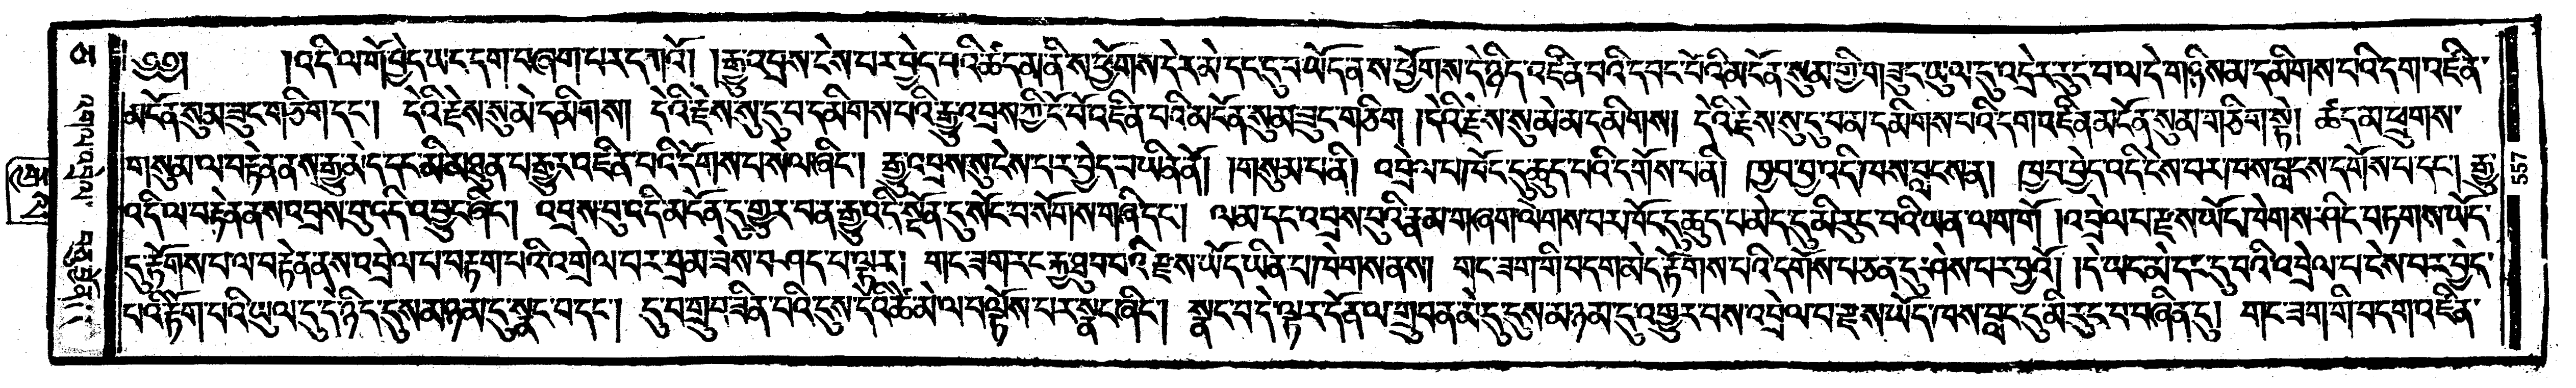༄༅། །འདི་ལ་གོ་བྱེད་ཡང་དག་བཞག་པར་དཀའོ། །རྒྱུ་འབྲས་ངེས་པར་བྱེད་པའི་ཚད་མ་ནི་ས་ཕྱོགས་དེར་མེ་དང་དུ་བ་ཡོད་ན་ས་ཕྱོགས་དེ་ཉིད་འཛིན་པའི་དབང་པོའི་མངོན་སུམ་གྱི་གཟུང་ཡུལ་དུ་འདྲེར་རུང་བ་ལ་དེ་གཉིས་མ་དམིགས་པའི་དག་འཛིན་
མངོན་སུམ་ཟུང་གཅིག་དང་། དེའི་རྗེས་སུ་མེ་དམིགས། དེའི་རྗེས་སུ་དུ་བ་དམིགས་པའི་རྒྱུ་འབྲས་ཀྱི་ངོ་བོ་འཛིན་པའི་མངོན་སུམ་ཟུང་གཅིག །དེའི་རྗེས་སུ་མེ་མ་དམིགས། དེའི་རྗེས་སུ་དུ་བ་མ་དམིགས་པའི་དག་འཛིན་མངོན་སུམ་གཅིག་སྟེ། ཚད་མ་ཕྲུགས་
གསུམ་ལ་བརྟེན་ནས་རྒྱུ་མེད་དང་མི་མཐུན་པ་རྒྱུར་འཛིན་པའི་དོགས་པ་སེལ་ཞིང་། རྒྱུ་འབྲས་སུ་ངེས་པར་བྱེད་པ་ཡིན་ནོ། །གསུམ་པ་ནི། འབྲེལ་པ་ཁོང་དུ་ཆུད་པའི་དགོས་པ་ནི། ཁྱབ་བྱ་འདི་ཁས་བླངས་ན། ཁྱབ་བྱེད་འདི་ངེས་པར་ཁས་བླངས་དགོས་པ་དང་། རྒྱུ་
འདི་ལ་བརྟེན་ནས་འབྲས་བུ་འདི་འབྱུང་ཞིང་། འབྲས་བུ་འདི་མངོན་དུ་གྱུར་པ་ན་རྒྱུ་འདི་སྔོན་དུ་སོང་བ་སོགས་གཞི་དང་། ལམ་དང་འབྲས་བུའི་རྣམ་གཞག་ལེགས་པར་ཁོང་དུ་ཆུད་པ་མེད་དུ་མི་རུང་བའི་ཡན་ལག་གོ །འབྲེལ་པ་རྫས་ཡོད་ཁེགས་ཤིང་བཏགས་ཡོད་
དུ་རྟོགས་པ་ལ་བརྟེན་ནས་འབྲེལ་པ་བརྟག་པའི་འགྲེལ་པར་བྲམ་ཟེས་བཤད་པ་ལྟར། གང་ཟག་རང་རྐྱ་ཐུབ་པའི་རྫས་ཡོད་ཡིན་པ་ཁེགས་ནས། གང་ཟག་གི་བདག་མེད་རྟོགས་པའི་དགོས་པ་ཅན་དུ་ཤེས་པར་བྱའོ། །དེ་ཡང་མེ་དང་དུ་བའི་འབྲེལ་པ་ངེས་པར་བྱེད་
པའི་རྟོག་པའི་ཡུལ་དུ་དེ་ཉིད་དུས་མཉམ་དུ་སྣང་བ་དང་། དུ་བ་གྲུབ་ཟིན་པའི་དུས་དེའི་ཚེ་མེ་ལ་བལྟོས་པར་སྣང་ཞིང་། སྣང་བ་དེ་ལྟར་དོན་ལ་གྲུབ་ན་མེ་དུ་དུས་མཉམ་དུ་འགྱུར་བས་འབྲེལ་པ་རྫས་ཡོད་ཁས་བླང་དུ་མི་རུང་བ་བཞིན་དུ། གང་ཟག་གི་བདག་འཛིན་